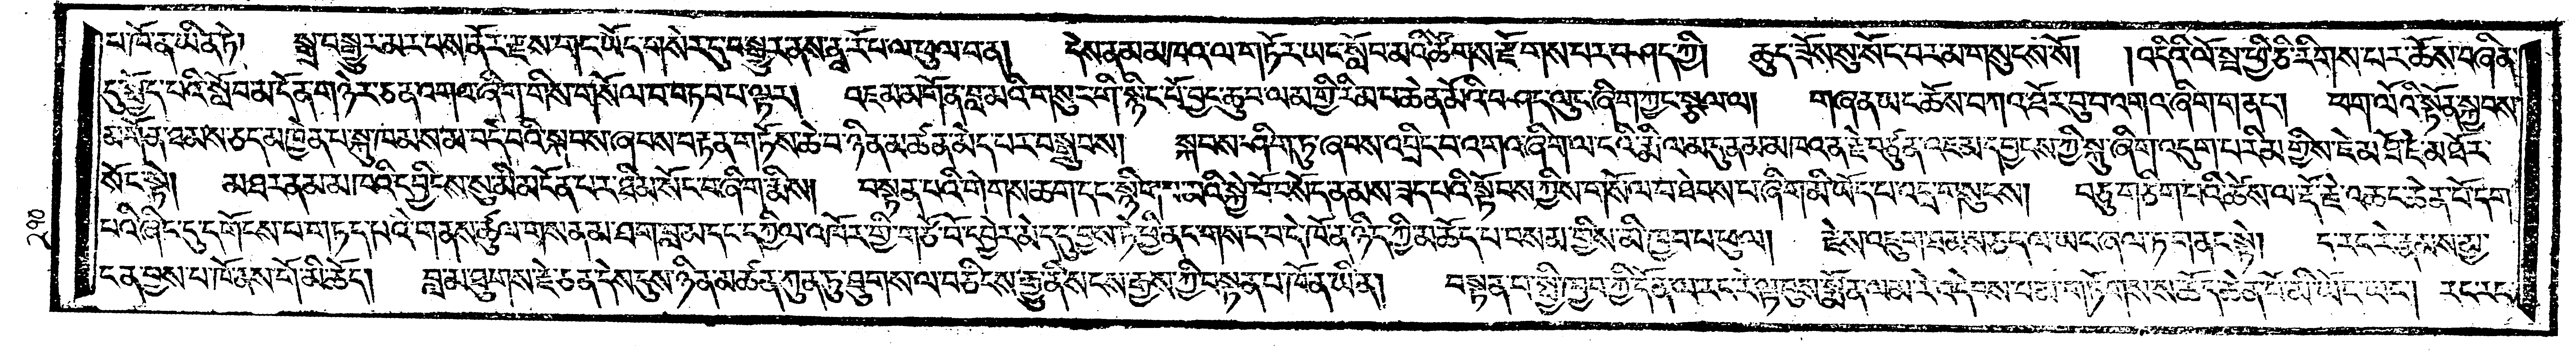པ་ཁོ་ན་ཡིན་ཏེ། སྒྲ་བསྒྱུར་མར་བས་ནོར་རྫས་གང་ཡོད་གསེར་དུ་བསྒྱུར་ནས་ནཱ་རོ་པ་ལ་ཕུལ་བ་ན། དེས་ནམ་མཁའ་ལ་གཏོར་ཡང་སློབ་མའི་ཚོགས་རྫོགས་པར་བཤད་ཀྱི། ཆུད་ཟོས་སུ་སོང་བར་མ་གསུངས་སོ། །འདིའི་ལོ་སྦ་ཕྱི་ཅི་རིགས་པར་ཆོས་བཞིན་
དུ་སྤྱོད་པའི་སློབ་མདོན་གཉེར་ཅན་འགའ་ཞིག་གིས་གསོལ་བ་བཏབ་པ་ལྟར། འཇམ་མགོན་བླ་མའི་གསུང་གི་སྙིང་པོ་བྱང་ཆུབ་ལམ་གྱི་རིམ་པ་ཆེན་མོའི་བཤད་ལུང་ཞིག་ཀྱང་སྩལ་ལ། གཞན་ཡང་ཆོས་བཀའ་ཐོར་བུ་བ་འགའ་ཞིག་གནང་། ཕག་ལོའི་སྟོན་སྐྱབས་
མགོན་ཐམས་ཅད་མཁྱེན་པ་སྐུ་ཁམས་མ་བདེ་བའི་སྐབས་ཞབས་བརྟན་གཏོས་ཆེ་བ་ཉིན་མཚན་མེད་བར་བསྒྲུབས། སྐབས་ཤིག་ཏུ་ཞབས་འབྲིང་བ་འགའ་ཞིག་ལ་ངའི་རྨི་ལམ་མདུན་མ་མཁའ་ན་རྗེ་བཙུན་འཇམ་དབྱངས་ཀྱི་སྐུ་ཞིག་འདུག་པ་རིམ་གྱིས་ཇེ་མཐོ་ཇེ་མཐོར་
སོང་སྟེ། མཐར་ནམ་མཁའི་དབྱིངས་སུ་མི་མངོན་པར་ཐིམ་སོང་བ་ཞིག་རྨིས། བསྟན་པའི་གེགས་ཆག་དང་སྙིགས་མའི་སྐྱེ་བོ་བསོད་ནམས་ཟད་པའི་སྟོབས་ཀྱིས་གསོལ་བ་ཐེབས་པ་ཞིག་མི་ཡོད་པ་འདྲ་གསུངས། བཅུ་གཅིག་པའི་ཚེས་ལ་རྡོ་རྗེ་འཆང་ཆེན་པོ་དག་
བའི་ཞིང་དུ་དགོངས་པ་གཏད་པའི་གནས་ཚུལ་གསན་མ་ཐག་བླ་མ་དང་དཀྱིལ་འཁོར་གྱི་གཙོ་བོ་དབྱེར་མེད་དུ་བྱས་ཏེ་ཕྱི་ནང་གསང་བ་དེ་ཁོ་ན་ཉིད་ཀྱི་མཆོད་པ་བསམ་གྱིས་མི་ཁྱབ་པ་ཕུལ། རྗེས་འཇུག་ཐམས་ཅད་ལ་ཡང་ཞལ་ཏ་གནང་སྟེ། ད་རང་རེ་རྣམས་མྱ་
ངན་བྱས་པ་ཁོ་ནས་གོ་མི་ཆོད། བླ་མ་ཐུགས་རྗེ་ཅན་དེས་དུས་ཉིན་མཚན་ཀུན་ཏུ་ཐུགས་ལ་བཅིངས་རྒྱུ་ནི་སངས་རྒྱས་ཀྱི་བསྟན་པ་ཁོ་ན་ཡིན། བསྟན་པ་སྤྱི་ཁྱབ་ཀྱི་དོན་ལ་རང་རེ་ལྟ་བུས་སྨོན་ལམ་རེ་འདེབས་བ་མ་གཏོགས་ས་ཆོད་ཆེན་པོ་མི་ཡོང་ཡང་། རང་རང་